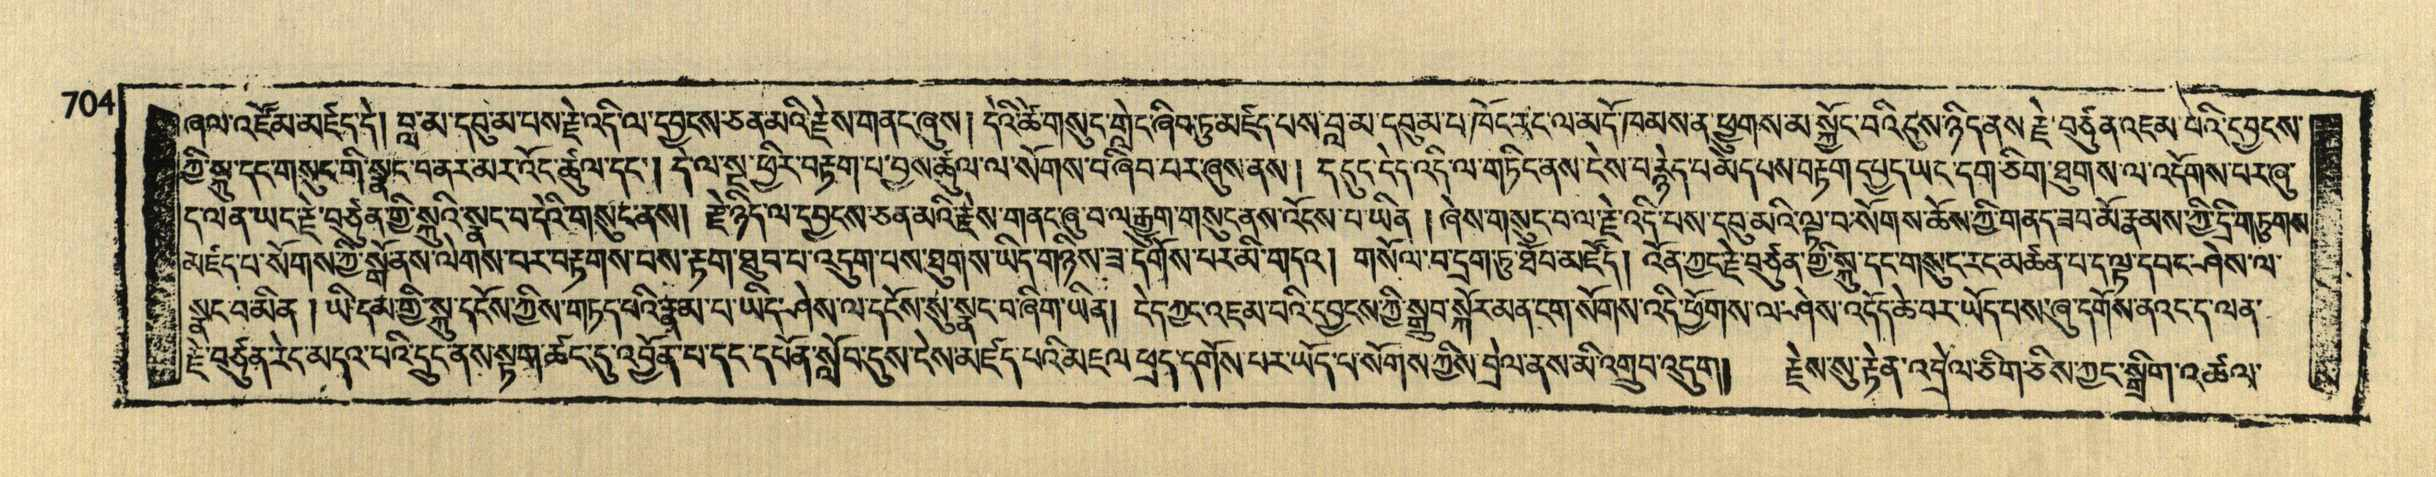ཞལ་འཛོམ་མཛད་དེ། བླ་མ་དབུ་མ་པས་རྗེ་འདི་ལ་དབྱངས་ཅན་མའི་རྗེས་གནང་ཞུས། དེའི་ཚེ་གསུང་གླེང་ཞིབ་ཏུ་མཛད་པས་བླ་མ་དབུ་མ་པ་ཁོང་རང་ལ་མདོ་ཁམས་ན་ཕྱུགས་མ་སྐྱོང་བའི་དུས་ཉིད་ནས་རྗེ་བཙུན་འཇམ་པའི་དབྱངས་
ཀྱི་སྐུ་དང་གསུང་གི་སྣང་བ་ནར་མར་འོང་ཚུལ་དང་། དེ་ལ་སྔ་ཕྱིར་བརྟག་པ་བྱས་ཚུལ་ལ་སོགས་པ་ཞིབ་པར་ཞུས་ནས། ད་དུང་ངེད་འདི་ལ་གཏིང་ནས་ངེས་བརྙེད་པ་མེད་པས་བརྟག་དཔྱད་ཡང་དག་ཅིག་ཐུགས་ལ་འདོགས་པར་ཞུ་
ད་ལ་ན་ཡང་རྗེ་བཙུན་གྱི་སྐུའི་སྣང་བ་དེའི་གསུང་ནས། རྗེ་ཉིད་ལ་དབྱང་ཅན་མའི་རྗེས་གནང་ཞུ་བ་ལ་རྒྱུག་གསུང་ནས་འོངས་པ་ཡིན། ཞེས་གསུངས་བ་ལ་རྗེ་འདི་པས་དབུ་མའི་ལྟ་བ་སོགས་ཆོས་ཀྱི་གནད་ཟབ་མོ་རྣམས་ཀྱི་དྲི་གཏུགས་
མཛད་པ་སོགས་ཀྱི་སྒོ་ནས་ལེགས་པར་བརྟགས་པས་རྟག་ཐུབ་པ་འདུག་པས་ཐུགས་ཡིད་གཉིས་ཟ་དགོས་པར་མི་གདའ། གསོལ་བ་དྲག་ཏུ་ཐོབ་མཛད། འོན་ཀྱང་རྗེ་བཙུན་གྱི་སྐུ་དང་གསུང་རང་མཚན་པ་ད་ལྟ་དབང་ཤེས་ལ་
སྣང་བ་མིན། ཡི་དམ་གྱི་སྐུ་དངོས་ཀྱིས་གཏད་པའི་རྣམ་པ་ཡིད་ཤེས་ལ་དངོས་སུ་སྣང་བ་ཞིག་ཡིན། ངེད་ཀྱང་འཇམ་པའི་དབྱངས་ཀྱི་སྒྲུབ་སྐོར་མན་ངག་སོགས་འདི་ཕྱོགས་ལ་ཤེས་འདོད་ཆེ་བར་ཡོད་པས་ཞུ་དགོས་ནའང་ད་ལན་
རྗེ་བཙུན་རེང་མདའ་པའི་དྲུང་ནས་སྟག་ཚང་དུ་འབྱོན་པ་དང་དཔོན་སློབ་དུས་ངེས་མཛད་པའི་མཇལ་ཕྲད་དགོས་པར་ཡོད་པ་སོགས་ཀྱིས་བྲེལ་ནས་མི་འགྲུབ་འདུག། རྗེས་སུ་རྟེན་འབྲེལ་ཅིག་ཅིས་ཀྱང་སྒྲིག་འཚ་